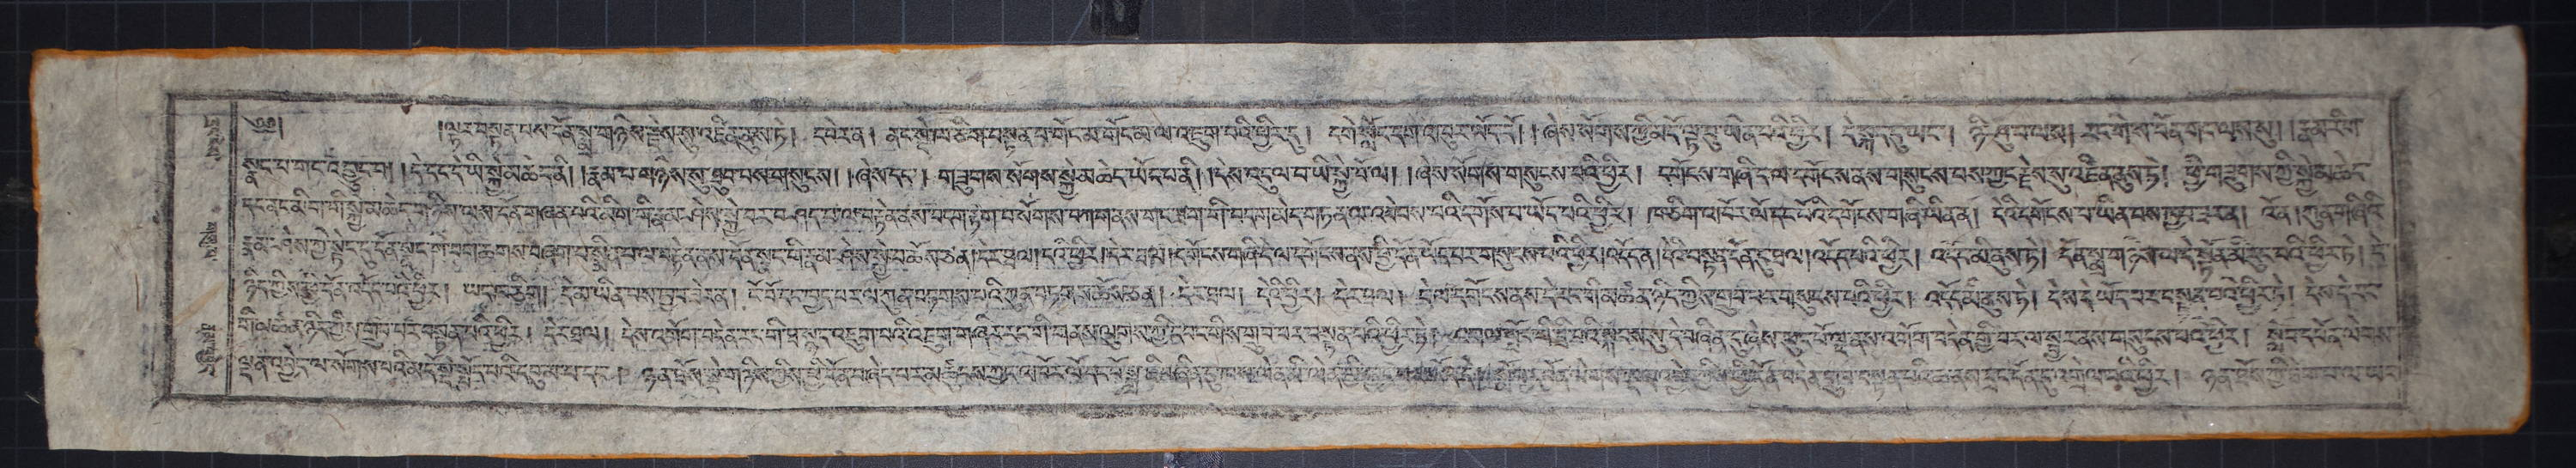༄༅། །ལྟར་བསྟན་པས་དོན་སྨྲ་གཉིས་རྗེས་སུ་འཛིན་ནུས་ཏེ། དཔེར་ན། ནང་སྡེ་ཁ་ཅིག་བསྟན་པ་གོང་མ་གོང་མ་ལ་འཇུག་པའི་ཕྱིར་དུ། དགེ་སློང་དག་འཁུར་ཡོད་དོ། །ཞེས་སོགས་ཀྱི་མདོ་ལྟ་བུ་ཡིན་པའི་ཕྱིར། དེ་སྐད་དུ་ཡང་། ཉི་ཤུ་པ་ལས། རང་གི་ས་བོན་གང་ལས་སུ། །རྣམ་རིག་
སྣང་བ་གང་འབྱུང་བ། །དེ་དང་དེ་ཡི་སྐྱེ་མཆེད་ནི། །རྣམ་པ་གཉིས་སུ་ཐུབ་པས་གསུངས། །ཞེས་དང་། གཟུགས་སོགས་སྐྱེ་མཆེད་ཡོད་པ་ནི། །དེས་འདུལ་བ་ཡི་སྐྱེ་བོ་ལ། །ཞེས་སོགས་གསུངས་པའི་ཕྱིར། དགོངས་གཞི་དེ་ལ་དགོངས་ནས་གསུངས་པས་ཀྱང་རྗེས་སུ་འཛིན་ནུས་ཏེ། ཕྱི་གཟུགས་ཀྱི་སྐྱེ་མཆེད་
དང་ནང་མིག་གི་སྐྱེ་མཆེད་གཉིས་ལས་དོན་གཞན་པའི་མིག་གི་རྣམ་ཤེས་སྐྱེ་བར་བཤད་པ་ལ་བརྟེན་ནས་བདག་རྟག་པ་སོགས་བཀག་ནས་གང་ཟག་གི་བདག་མེད་གཏན་ལ་འབེབས་པའི་དགོས་པ་ཡོད་པའི་ཕྱིར། ཁ་ཅིག་འཁོར་ལོ་དང་པོའི་དགོངས་གཞི་ཡིན་ན། དེའི་དགོངས་པ་ཡིན་པས་ཁྱབ་ཟེར་ན། འོ་ན། ཀུན་གཞིའི་
རྣམ་ཤེས་ཀྱི་སྟེང་དུ་དོན་སྣང་གི་བག་ཆགས་བཞག་པ་སྨིན་པ་ལ་བརྟེན་ནས་དོན་སྣང་གི་རྣམ་ཤེས་སྐྱེ་བ་ཆོས་ཅན། དེར་ཐལ། དེའི་ཕྱིར། དེར་ཐལ། དགོངས་གཞི་དེ་ལ་དགོངས་ནས་ཕྱི་དོན་ཡོད་པར་གསུངས་པའི་ཕྱིར། འདོད་ན། དེའི་བསྟན་དོན་དུ་ཐལ། འདོད་པའི་ཕྱིར། འདོད་མི་ནུས་ཏེ། དོན་སྨྲ་གཉིས་ལ་དེ་སྟོན་མི་རུང་བའི་ཕྱིར་ཏེ། དེ་
ཉིད་ཀྱིས་ཕྱི་དོན་འདོད་པའི་ཕྱིར། ཡང་ཁ་ཅིག །དེ་མ་ཡིན་པས་ཁྱབ་ཟེར་ན། ངོ་བོ་དང་ཁྱད་པར་ལ་ཀུན་བཏགས་བརྟགས་ཨེཏཅ་ཐྲོཨུགྷོཨུཏ་པའི་ཀུན་བཏགས་ཆོས་ཅན། དེར་ཐལ། དེའི་ཕྱིར། དེར་ཐལ། དེ་ལ་དགོངས་ནས་དེ་རང་གི་མཚན་ཉིད་ཀྱིས་གྲུབ་པར་གསུངས་པའི་ཕྱིར། འདོད་མི་ནུས་ཏེ། དེས་དེ་ཡོད་པར་བསྟན་པའི་ཕྱིར་ཏེ། དེས་དེ་རང་
གི་མཚན་ཉིད་ཀྱིས་གྲུབ་པར་བསྟན་པའི་ཕྱིར། དེར་ཐལ། དེས་འགོག་བདེན་རང་གི་ཐ་སྙད་འཇུག་པའི་འཇུག་གཞིར་རང་གི་གནས་ལུགས་ཀྱི་དབང་གིས་གྲུབ་པར་བསྟན་པའི་ཕྱིར་ཏེ། འགལ་སྤོང་གི་དྲི་བའི་སྐབས་སུ་དེ་བཞིན་དུ་ཞེས་ཕུང་པོ་ལྔ་ནས་འགོག་བདེན་གྱི་བར་ལ་སྦྱར་ནས་གསུངས་པའི་ཕྱིར། སློབ་དཔོན་ལེགས་
ལྡན་འབྱེད་ལ་སོགས་པའི་མདོ་སྡེ་སྤྱོད་པའི་དབུ་མ་པ་དང་། ཉན་ཐོས་སྡེ་གཉིས་ཀྱིས་ཕྱི་དོན་བཞེད་པར་མཚུངས་ཀྱང་འཁོར་ལོ་དང་པོ་སྒྲ་ཇི་བཞིན་དུ་ཁས་ལེན་མི་ལེན་གྱི་ཁྱད་པར་ཡོད་དེ། སློབ་དཔོན་ལེགས་ལྡན་འབྱེད་ཀྱིས་ཕྱི་དོན་བདེན་གྲུབ་བསྟན་པའི་ཆ་ནས་དྲང་དོན་དུ་འགྲེལ་བའི་ཕྱིར། ཉན་ཐོས་ཀྱི་ཐེག་པ་ལ་ཡང་